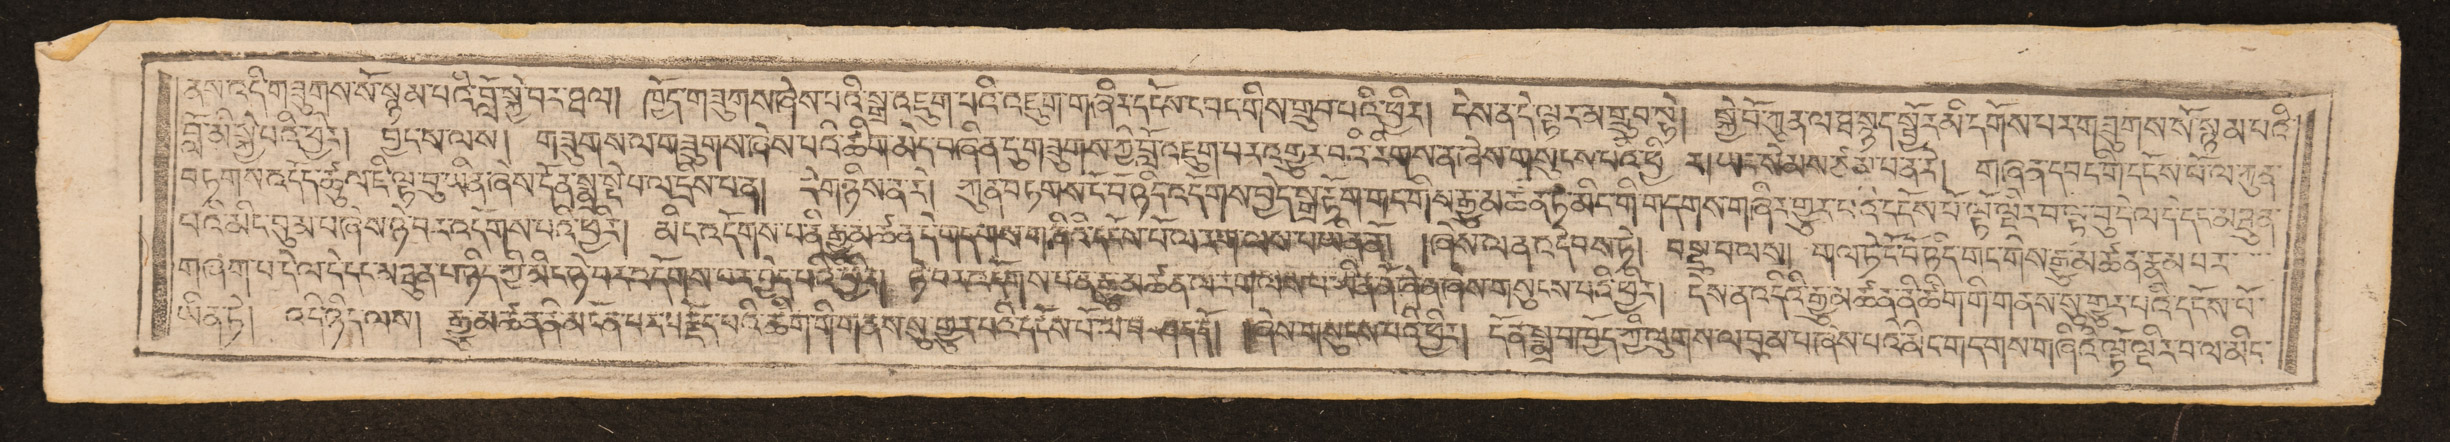ནས་འདི་གཟུགས་སོ་སྙམ་པའི་བློ་སྐྱེ་བར་ཐལ། ཁྱོད་གཟུགས་ཞེས་པའི་སྒྲ་འཇུག་པའི་འཇུག་གཞིར་དངོས་དབང་གིས་གྲུབ་པའི་ཕྱིར། དེས་ན་དེ་ལྟར་མ་གྲུབ་སྟེ། སྐྱེ་བོ་ཀུན་ལ་ཐ་སྙད་སྦྱོར་མི་དགོས་པར་གཟུགས་སོ་སྙམ་པའི་
བློ་མི་སྐྱེ་པའི་ཕྱིར། བྱང་ས་ལས། གཟུགས་ལ་གཟུགས་ཞེས་པའི་ཚིག་མེད་བཞིན་དུ་གཟུགས་ཀྱི་བློ་འཇུག་པར་འགྱུར་བའི་རིགས་ན་ཞེས་གསུངས་པའི་ཕྱིར། ཡང་སེམས་ཙམ་པ་ན་རེ། གཞན་དབང་གི་དངོས་པོ་ལ་ཀུན་
བཏགས་འདོད་ཚུལ་ཇི་ལྟ་བུ་ཡིན་ཞེས་དོན་སྨྲ་སྡེ་པ་ལ་དྲིས་པ་ན། དེ་གཉིས་ན་རེ། ཀུན་བཏགས་ངོ་བོ་ཉིད་འདོགས་བྱེད་སྒྲ་རྟོག་གང་གིས་རྒྱུ་མཚན་ཏེ་མིང་གི་གདགས་གཞིར་གྱུར་པའི་དངོས་པོ་ལྟོ་ལྡིར་བ་ལྟ་བུ་དེ་ལ་དེ་དང་མཐུན་
པའི་མིང་བུམ་པ་ཞེས་ཉེ་བར་འདོགས་པའི་ཕྱིར། མིང་འདོགས་པ་ནི་རྒྱུ་མཚན་དེ་གདགས་གཞིའི་དངོས་པོ་ལ་རག་ལས་པ་ཡིན་ནོ། །ཞེས་ལན་འདེབས་ཏེ། བསྡུ་བ་ལས། གལ་ཏེ་ངོ་བོ་ཉིད་གང་གིས་རྒྱུ་མཚན་རྣམ་པར་
གཞག་པ་དེ་ལ་དེ་དང་མཐུན་པ་ཉིད་ཀྱི་མིང་ཉེ་བར་འདོགས་པར་བྱེད་པའི་ཕྱིར། ཉེ་བར་འདོགས་པ་ན་རྒྱུ་མཚན་ལ་རག་ལས་པ་ཡིན་ནོ་ཞེ་ན་ཞེས་གསུངས་པའི་ཕྱིར། དེས་ན་འདིའི་རྒྱུ་མཚན་ནི་ཚིག་གི་གནས་སུ་གྱུར་པའི་དངོས་པོ་
ཡིན་ཏེ། འདི་ཉིད་ལས། རྒྱུ་མཚན་ནི་མངོན་པར་བརྗོད་པའི་ཚིག་གི་གནས་སུ་གྱུར་པའི་དངོས་པོ་ལ་བཤད་དོ། །ཞེས་གསུངས་པའི་ཕྱིར། དོན་སྨྲ་བ་ཁྱོད་ཀྱི་ལུགས་ལ་བུམ་པ་ཞེས་པའི་མིང་གདགས་གཞིའི་ལྟོ་ལྡིར་བ་ལ་མིང་